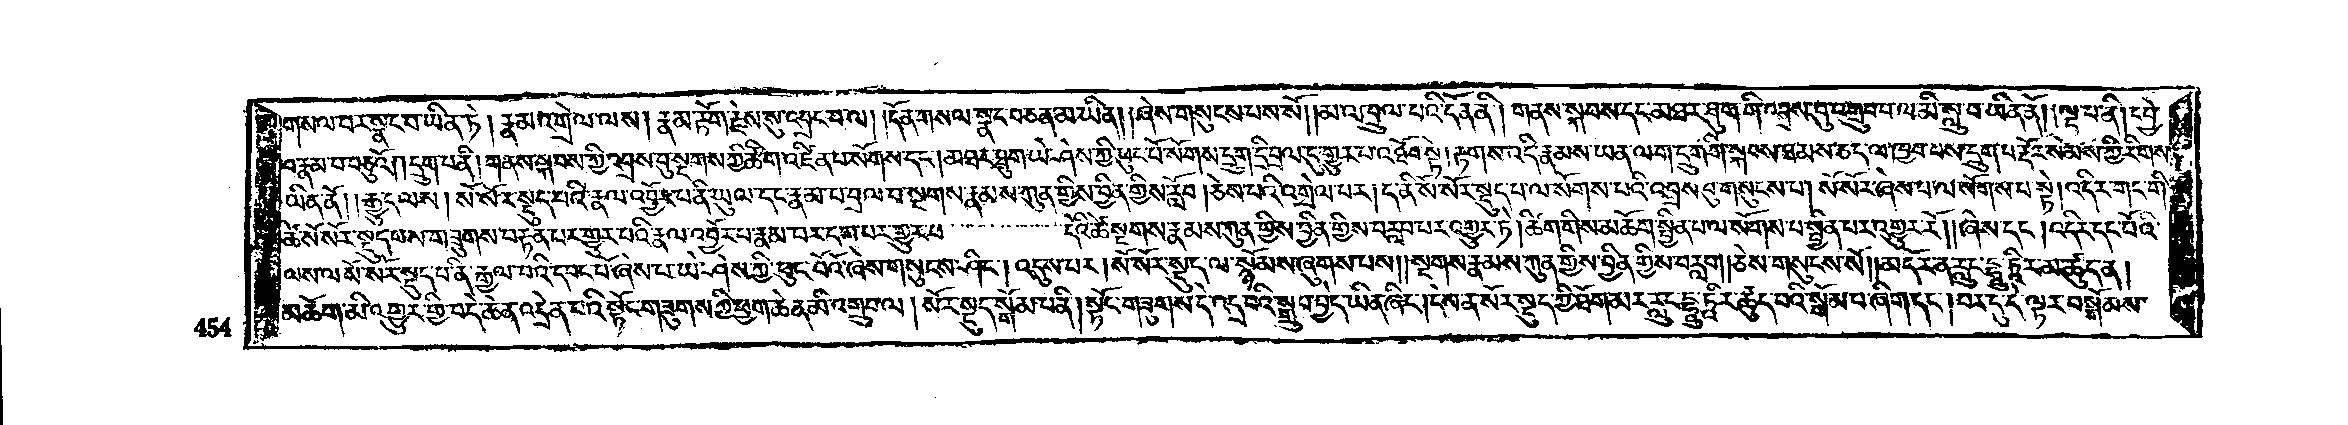གསལ་བར་སྣང་བ་ཡིན་ཏེ། རྣམ་འགྲེལ་ལས། རྣམ་རྟོག་རྗེས་སུ་འབྲང་བ་ལ། །དོན་གསལ་སྣང་བ་ཅན་མ་ཡིན། །ཞེས་གསུངས་པས་སོ། །མ་འཁྲུལ་པའི་དོན་ནི། གནས་སྐབས་དང་མཐར་ཐུག་གི་འབྲས་བུ་འགྲུབ་པ་ལ་མི་སླུ་བ་ཡིན་ནོ། །ལྔ་པ་ནི། དབྱེ་
བ་རྣམ་པ་བཅུའོ། །དྲུག་པ་ནི། གནས་སྐབས་ཀྱི་འབྲས་བུ་སྔགས་ཀྱི་ཚིག་འཛིན་པ་སོགས་དང་། མཐར་ཐུག་ཡེ་ཤེས་ཀྱི་ཕུང་པོ་སོགས་དྲུག་དྲི་བྲལ་དུ་གྱུར་པ་འཐོབ་སྟེ། རྟགས་འདི་རྣམས་ཡན་ལག་དྲུག་གི་སྐབས་ཐམས་ཅད་ལ་ཁྱབ་པས་དྲུག་པ་རྡོར་སེམས་ཀྱི་རིགས་
ཡིན་ནོ། །རྒྱུད་ལས། སོ་སོར་སྡུད་པའི་རྣལ་འབྱོར་པ་ནི་ཡུལ་དང་རྣམ་པ་བྲལ་བ་སྔགས་རྣམས་ཀུན་གྱིས་བྱིན་གྱིས་རློབ། ཅེས་པའི་འགེལ་པར། ད་ནི་སོ་སོར་སྡུད་པ་ལ་སོགས་པའི་འབྲས་བུ་གསུངས་པ། སོ་སོར་ཞེས་པ་ལ་སོགས་པ་སྟེ། འདིར་གང་གི་
ཚེ་སོ་སོར་སྡུད་པས་གཟུགས་བརྟན་པར་གྱུར་པའི་རྣལ་འབྱོར་པ་རྣམ་པར་དག་པར་གྱུར་པ་དེའི་ཚེ་སྔགས་རྣམས་ཀུན་གྱིས་བྱིན་གྱིས་བརླབ་པར་འགྱུར་ཏེ། ཚིག་གིས་མཆོག་སྦྱིན་པ་ལ་སོགས་པ་སྦྱིན་པར་འགྱུར་རོ། །ཞེས་དང་། འདིར་དང་པོའི་
ལས་ལ་སོ་སོར་སྡུད་པ་ནི་རྒྱལ་བའི་དབང་པོ་ཞེས་པ་ཡེ་ཤེས་ཀྱི་ཕུང་པོའོ་ཞེས་གསུངས་ཤིང་། འདུས་པར། སོ་སོར་སྡུད་ལ་སྙོམས་ཞུགས་པས། །སྔགས་རྣམས་ཀུན་གྱིས་བྱིན་གྱིས་བརླབ། །ཅེས་གསུངས་སོ། །མདོར་ན་རླུང་དྷཱུ་ཏཱིར་མ་ཚུད་ན།
མཆོག་མི་འགྱུར་གྱི་བདེ་ཆེན་འདྲེན་པའི་སྟོང་གཟུགས་ཀྱི་ཕྱག་ཆེན་མི་འགྲུབ་ལ། སོར་སྡུད་སྒོམ་པ་ནི། སྟོང་གཟུགས་དེ་འདྲ་བའི་སྒྲུབ་བྱེད་ཡིན་ཞིང་། དེས་ན་སོར་སྡུད་ཀྱི་ཐོག་མར་རླུང་རྡྷཱུ་ཏཱིར་ཚུད་པའི་སྒོམ་པ་ཞིག་དང་། བར་དུ་དེ་ལྟར་བསྒོམས་